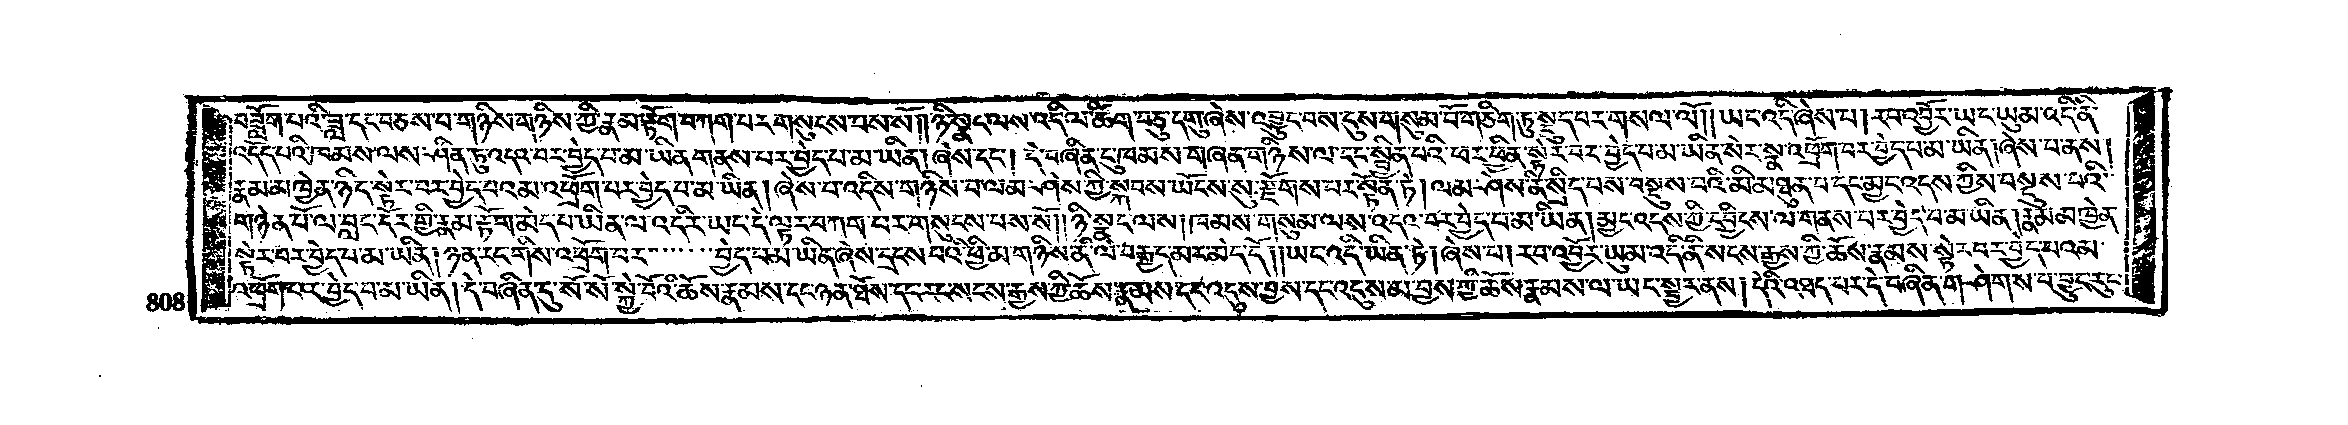བཟློག་པའི་ཟླ་དང་བཅས་པ་གཉིས་གཉིས་ཀྱི་རྣམ་རྟོག་བཀག་པར་གསུངས་པས་སོ། །ཉི་སྣང་ལས་འདི་ལ་ཚིག་བཅུ་དགུ་ཞེས་འབྱུང་བས་དུས་གསུམ་པོ་གཅིག་ཏུ་སྡུད་པར་གསལ་ལོ། །ཡང་འདི་ཞེས་པ། རབ་འབྱོར་ཡང་ཡུམ་འདི་ནི་
འདོད་པའི་ཁམས་ལས་ཤིན་ཏུ་འདའ་བར་བྱེད་པ་མ་ཡིན་གནས་པར་བྱེད་པ་མ་ཡིན། ཞེས་དང་། དེ་བཞིན་དུ་ཁམས་གཞན་གཉིས་ལ་དང་སྦྱིན་པའི་ཕར་ཕྱིན་སྟེར་བར་བྱེད་པ་མ་ཡིན་སེར་སྣ་འཕྲོག་པར་བྱེད་པ་མ་ཡིན། ཞེས་པ་ནས།
རྣམ་མཁྱེན་ཉིད་སྟེར་བར་བྱེད་པའམ་འཕྲོག་པར་བྱེད་པ་མ་ཡིན། ཞེས་པ་འདིས་གཉིས་པ་ལམ་ཤེས་ཀྱི་སྐབས་ཡོངས་སུ་རྫོགས་པར་སྟོན་ཏེ། ལམ་ཤེས་ནི་སྲིད་པས་བསྡུས་པའི་མི་མཐུན་པ་དང་མྱང་འདས་ཀྱིས་བསྡུས་པའི་
གཉེན་པོ་ལ་བླང་དོར་གྱི་རྣམ་རྟོག་མེད་པ་ཡིན་ལ་འདིར་ཡང་དེ་ལྟར་བཀག་པར་གསུངས་པས་སོ། །ཉི་སྣང་ལས། ཁམས་གསུམ་ལས་འདའ་བར་བྱེད་པ་མ་ཡིན། མྱང་འདས་ཀྱི་དབྱིངས་ལ་གནས་པར་བྱེད་པ་མ་ཡིན། རྣམ་མཁྱེན་
སྟོང་པར་བྱེད་པ་མ་ཡིན། ཉན་རང་གིས་འཕྲོག་པར་བྱེད་པ་མ་ཡིན་ཞེས་དྲངས་པའི་ཕྱི་མ་གཉིས་ནི་ལ་བརྒྱད་མར་མེད་དོ། །ཡང་འདི་ཡིན་ཏེ། ཞེས་པ། རབ་འབྱོར་ཡུམ་འདི་ནི་སངས་རྒྱས་ཀྱི་ཆོས་རྣམས་སྟེར་བར་བྱེད་པའམ་
འཕྲོག་པར་བྱེད་པ་མ་ཡིན། དེ་བཞིན་དུ་སོ་སོ་སྐྱེ་བོའི་ཆོས་རྣམས་དང་ཉན་ཐོས་དང་རང་སངས་རྒྱས་ཀྱི་ཆོས་རྣམས་དང་འདུས་བྱས་དང་འདུས་མ་བྱས་ཀྱི་ཆོས་རྣམས་ལ་ཡང་སྦྱར་ནས། དེའི་འཐད་པར་དེ་བཞིན་གཤེགས་པ་བྱུང་རུང་